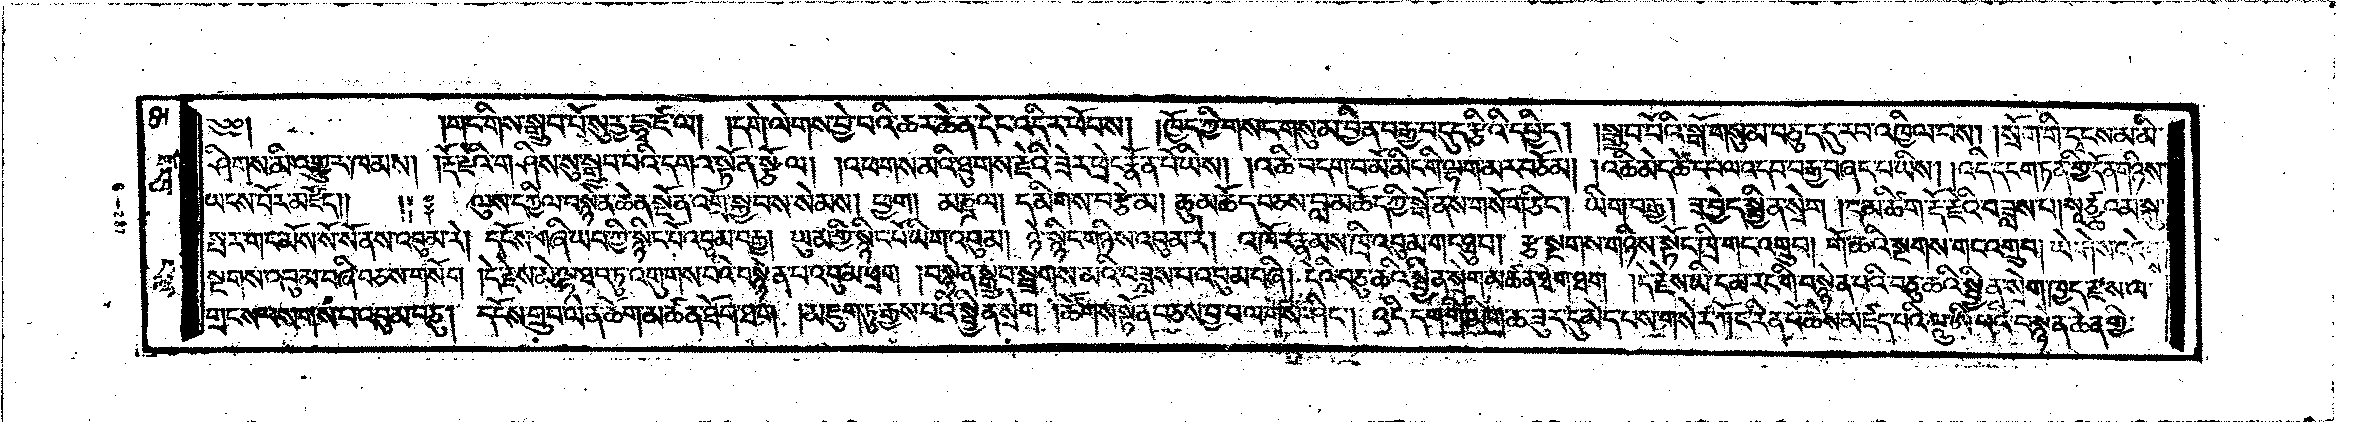༄༅། །གང་གིས་སྒྲུབ་པོ་སུ་རྱ་དྷྭ་ཛ་ལ། །དགེ་ལེགས་བྱེ་བའི་ཆར་ཆེན་དེང་འདིར་ཕོབས། །ཁྱོད་ཀྱི་གསང་གསུམ་བྱིན་བརྒྱ་བདུད་རྩིའི་དཔྱིད། །སྒྲུབ་པོའི་སྒོ་གསུམ་བཅུད་དུ་རབ་འཁྱིལ་བས། །སྲོག་གི་དྭངས་མ་མི་
ཤིགས་མི་འགྱུར་ཁམས། །རྡོ་རྗེའི་གཤིས་སུ་སྒྲུབ་པའི་དགའ་སྟོན་སྩོལ། །འཕགས་མའི་ཐུགས་རྗེའི་ཟེར་ཕྲེང་རྣོན་པོ་ཡིས། །འཆི་བདག་བ་མོ་མིང་གི་ལྷག་མར་བཅོམ། །འཆི་མེད་ཚེ་དཔལ་འདབ་བརྒྱ་བཞད་པ་ཡིས། །འདི་དང་གཏན་གྱི་དོན་གཉིས་
ཡངས་བོར་མཛོད།། །།༈ ལུས་དཀྱིལ་བསྙེན་ཆེན་སྔོན་འགྲོ་སྐྱབས་སེམས། ཕྱག། མཎྜལ། དམིགས་བརྩེ་མ། ཆུ་མཆོད་བཅས་བླ་མཆོད་ཀྱི་སྒོ་ནས་གསོག་ཅིང་། ཡིག་བརྒྱ། ཟ་བྱེད་སྦྱིན་སྲེག །དམ་ཚིག་རྡོ་རྗེའི་བཟླས་པ། སཱཙྪའམ་སྐུ་
སྤར་གང་མོས་སོ་སོ་ནས་འབུམ་རེ། དངོས་གཞི་ཡབ་ཀྱི་སྙིང་པོ་འབུམ་བརྒྱ། ཡུམ་གྱི་སྙིང་པོ་ཡིག་འབུམ། ཉེ་སྙིང་གཉིས་འབུམ་རེ། འཁོར་རྣམས་ཁྲི་འབུམ་གནག་ཐུབ། རྩ་སྔགས་གཉིས་སྟོང་ཁྲི་གང་འགྲུབ། གོ་ཆའི་སྔགས་གང་འགྲུབ། ཡེ་ཤེས་འགེགས་
སྔགས་འབུམ་བཞི་བཅས་གསོག །དེ་རྗེས་མེ་ལྷ་ཐབ་ཏུ་འགུགས་པའི་བསྙེན་པ་འབུམ་ཕྲག །བསྙེན་སྒྲུབ་སྦྲགས་མའི་བཟླས་པའི་འབུམ་བཞི། དེའི་བཅུ་ཆའི་སྦྱིན་སྲེག་མཚན་ཐེག་ཐག །དེ་རྗེས་ཡི་དམ་རང་གི་བསྙེན་པའི་བཅུ་ཆའི་སྦྱིན་སྲེག་ཁྱད་རྫས་ལ་
གྲངས་བསགས་པ་འབུམ་བཅུ། དངོས་གྲུབ་ལེན་ཆོག་མཚན་ཐོག་ཐག །མཇུག་ཏུ་རྒྱས་པའི་སྦྱིན་སྲེག །ཚོགས་སྟོན་བཅས་བྱ་བ་ལགས་ཤིང་། འདི་དག་གི་མིག་ཆ་ཟུར་དུ་མེད་པས་གསེར་གོང་རིན་པོ་ཆེས་མཛད་པའི་མཱུ་ཨི་པའི་བསྙེན་ཆེན་གྱི་